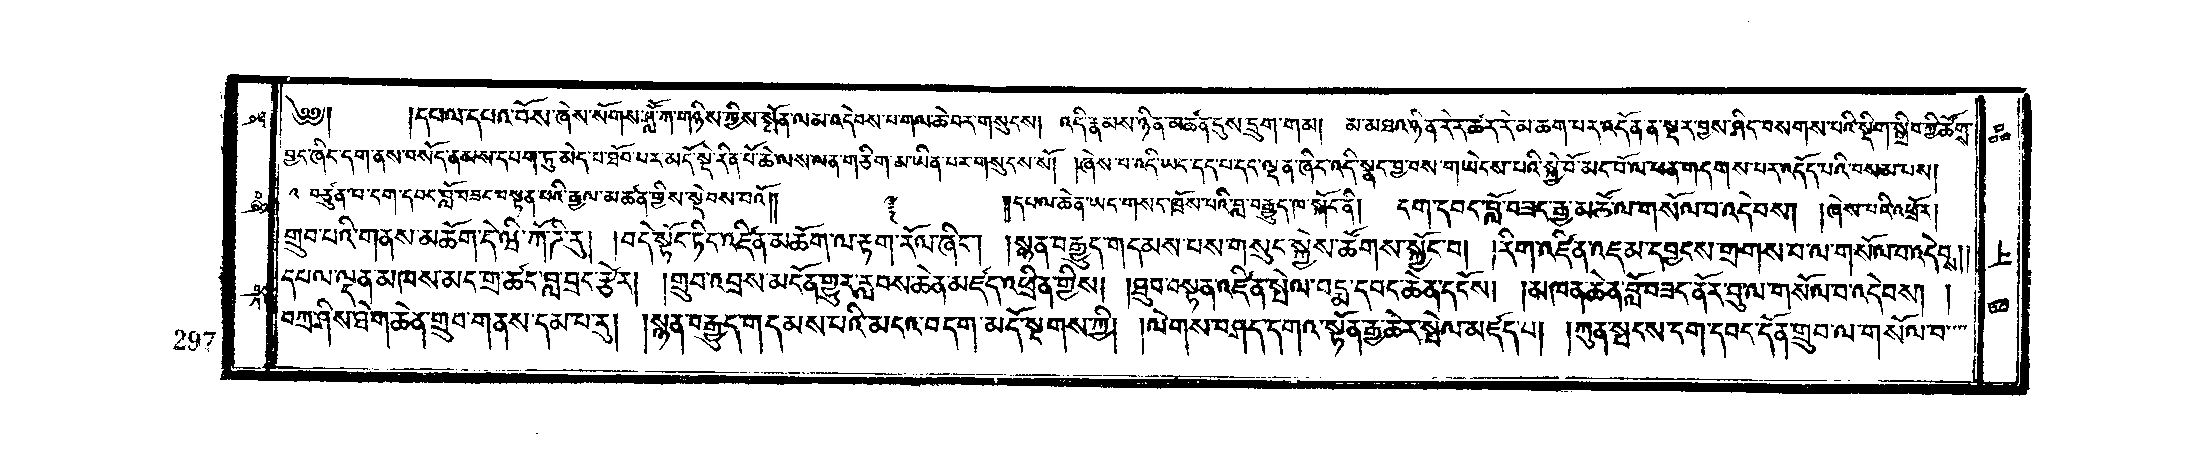༄༅། །དཔལ་དཔའ་བོས་ཞེས་སོགས་ཤོལོ་ཀ་གཉིས་ཀྱིས་སྨོན་ལམ་འདེབས་པ་གལ་ཆེ་བར་གསུངས། འདི་རྣམས་ཉིན་མཚན་དུས་དྲུག་གམ། མ་མཐའ་ཉིན་རེར་ཚར་རེ་མ་ཆག་པར་འདོན་ན་སྔར་བྱས་ཤིང་བསགས་པའི་སྡིག་སྒྲིབ་ཀྱི་ཚོགས་
བྱང་ཞིང་དག་ནས་བསོད་ནམས་དཔག་ཏུ་མེད་པ་ཐོབ་པར་མདོ་སྡེ་རིན་པོ་ཆེ་ལས་ལན་གཅིག་མ་ཡིན་པར་གསུངས་སོ། །ཞེས་པ་འདི་ཡང་དད་པ་དང་ལྡན་ཞིང་འདི་སྣང་བྱ་བས་གཡེངས་པའི་སྐྱེ་བོ་མང་པོ་ལ་ཕན་གདགས་པར་འདོད་པའི་བསམ་པས།
བཙུན་པ་ངག་དབང་བློ་བཟང་བསྟན་པའི་རྒྱལ་མཚན་གྱིས་སྡེབས་པའོ།། ༈ །།དཔལ་ཆེན་ཡང་གསང་ཁྲོས་པའི་བླ་བརྒྱུད་ཁ་སྐོང་ནི། ངག་དབང་བློ་བཟང་རྒྱ་མཚོ་ལ་གསོལ་བ་འདེབས། །ཞེས་པའི་འཕྲོར།
གྲུབ་པའི་གནས་མཆོག་དེ་ཝི་ཀོ་ཌི་རུ། །བདེ་སྟོང་ཏིང་འཛིན་མཆོག་ལ་རྟག་རོལ་ཞིང་། །སྙན་བརྒྱུད་གདམས་པས་གསུང་སྐྱེས་ཚོགས་སྐྱོང་བ། །རིག་འཛིན་འཇམ་དབྱངས་གྲགས་པ་ལ་གསོལ་བ་འདེབས།།
དཔལ་ལྡན་མཁས་མང་གྲ་ཚང་བླ་བྲང་རྩེར། །གྲུབ་འབྲས་མངོན་གྱུར་རླབས་ཆེན་མཛད་འཕྲིན་གྱིས། །ཐུབ་བསྟན་འཛིན་སྤེལ་པདམ་དབང་ཆེན་དངོས། །མཁན་ཆེན་བློ་བཟང་ནོར་བུ་ལ་གསོལ་བ་འདེབས། །
བཀྲ་ཤིས་ཐེག་ཆེན་གྲུབ་གནས་དམ་པ་རུ། །སྙན་བརྒྱུད་གདམས་པའི་མངའ་བདག་མདོ་སྔགས་ཀྱི། །ལེགས་བཤད་དགའ་སྟོན་རྒྱ་ཆེར་སྤེལ་མཛད་པ། །ཀུན་སྤངས་ངག་དབང་དོན་གྲུབ་ལ་གསོལ་བ་